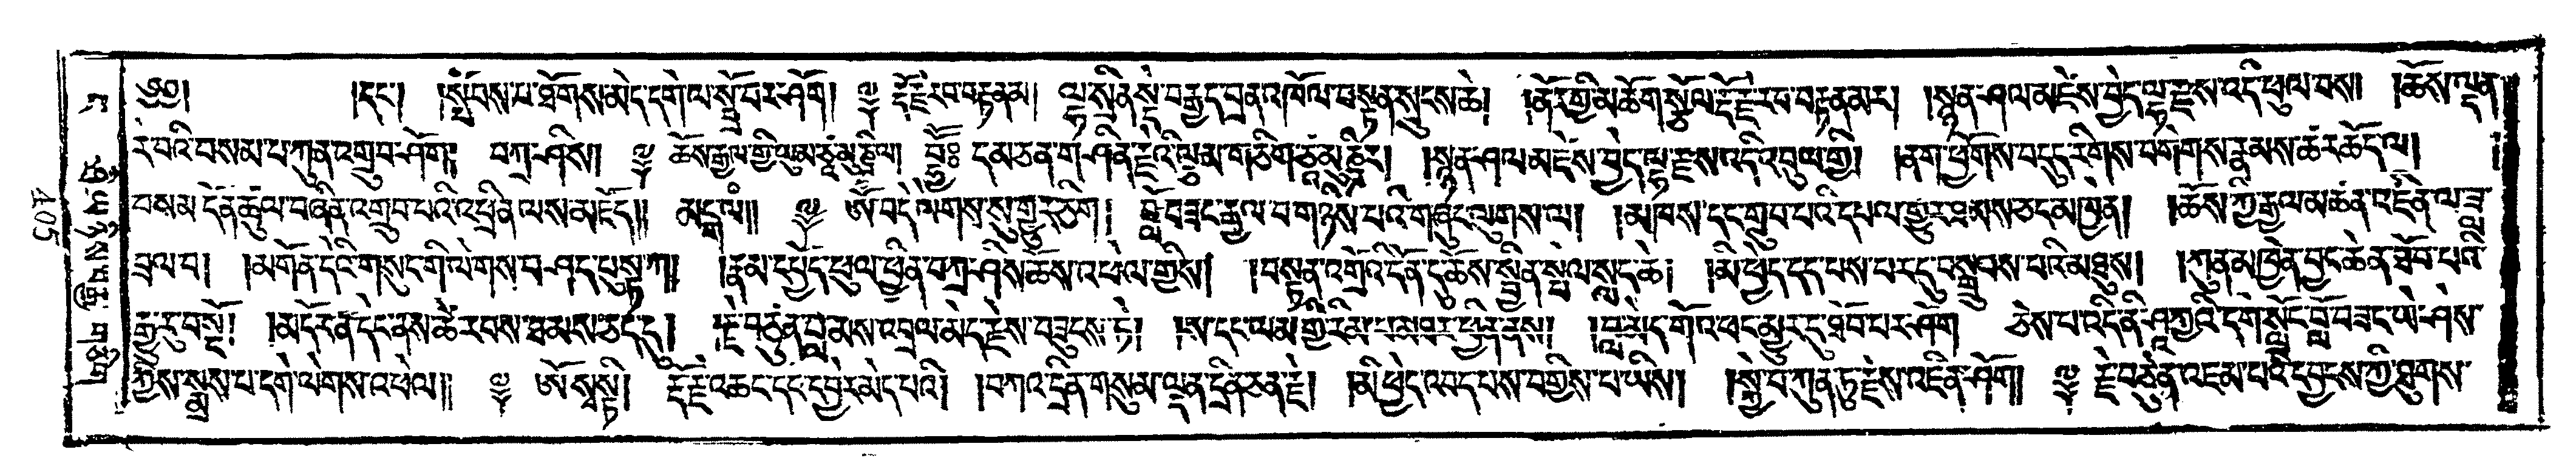༄༅། །དང་། །སྤོབས་པ་ཐོགས་མེད་དགེ་ལ་སྦྲོ་བར་ཤོག། ༈ རྡོ་རྗེ་རབ་བརྟན་མ།  ལྷ་སྲིན་སྡེ་བརྒྱད་བྲན་འཁོལ་བསྟན་སྲུངས་ཆེ། །ནོར་གྱི་མཆོག་སྩོལ་རྡོ་རྗེ་རབ་བརྟན་མར། །སྙན་ཤལ་མཛེས་བྱེད་ལྷ་རྫས་འདི་ཕུལ་བས། །ཆོས་ལྡན་
རེ་བའི་བསམ་པ་ཀུན་འགྲུབ་ཤོག། བཀྲ་ཤིས། ༈ ཆོས་རྒྱལ་གྱི་ཡུམ་ཙཱ་མུཎྜི་ལ།  བྷྱཽཿ དམ་ཅན་གཤིན་རྗེའི་ལྕམ་གཅིག་ཙཱ་མུཎྜིར། །སྙན་ཤལ་མཛེས་བྱེད་ལྷ་རྫས་འདི་འབུལ་གྱི། །ནག་ཕྱོགས་བདུད་རིགས་བགེགས་རྣམས་ཚར་ཆོད་ལ། །
བསམ་དོན་ཚུལ་བཞིན་འགྲུབ་པའི་འཕྲིན་ལས་མཛོད།། མངྒ་ལཾ།། ༈ ཨོཾ་བདེ་ལེགས་སུ་གྱུར་ཅིག། བློ་བཟང་རྒྱལ་བ་གཉིས་པའི་གཞུང་ལུགས་ལ། །མཁས་དང་གྲུབ་པའི་དཔལ་གྱུར་ཐམས་ཅད་མཁྱེན། །ཆོས་ཀྱི་རྒྱལ་མཚན་འཛིན་ལ་ཟླ་
བྲལ་བ། །མགོན་དེའི་གསུང་གི་ལེགས་བཤད་པུསྟ་ཀ། །རྣམ་དཔྱོད་ཕུལ་ཕྱིན་བཀྲ་ཤིས་ཆོས་འཕེལ་གྱིས། །བསྟན་འགྲོའི་དོན་དུ་ཆོས་སྦྱིན་སྤེལ་སླད་ཆེ། །མི་ཕྱེད་དད་པས་པར་དུ་བསྒྲུབས་པའི་མཐུས། །ཀུན་མཁྱེན་བྱང་ཆེན་ཐོབ་པའི་
རྒྱུ་རུ་བསྔོ། །མདོར་ན་དེང་ནས་ཚེ་རབས་ཐམས་ཅད་དུ། །རྗེ་བཙུན་བླ་མས་འབྲལ་མེད་རྗེས་བཟུངས་ཏེ། །ས་དང་ལམ་གྱི་རིམ་པ་མཐར་ཕྱིན་ནས། །བླ་མེད་གོ་འཕང་མྱུར་དུ་ཐོབ་པར་ཤོག་ཅེས་པ་འདི་ནི་ཤཱཀྱའི་དགེ་སློང་བློ་བཟང་ཡེ་ཤེས་
ཀྱིས་སྨྲས་པ་དགེ་ལེགས་འཕེལ།། ༈ ཨོ་སྭསྟི། རྡོ་རྗེ་འཆང་དང་དབྱེར་མེད་པའི། །བཀའ་དྲིན་གསུམ་ལྡན་དྲིན་ཅན་རྗེ། །མི་ཕྱེད་འབད་པས་བགྱིས་པ་ཡིས། །སྐྱེ་བ་ཀུན་ཏུ་རྗེས་འཛིན་ཤོག། ༈ རྗེ་བཙུན་འཇམ་པའི་དབྱངས་ཀྱི་ཐུགས་